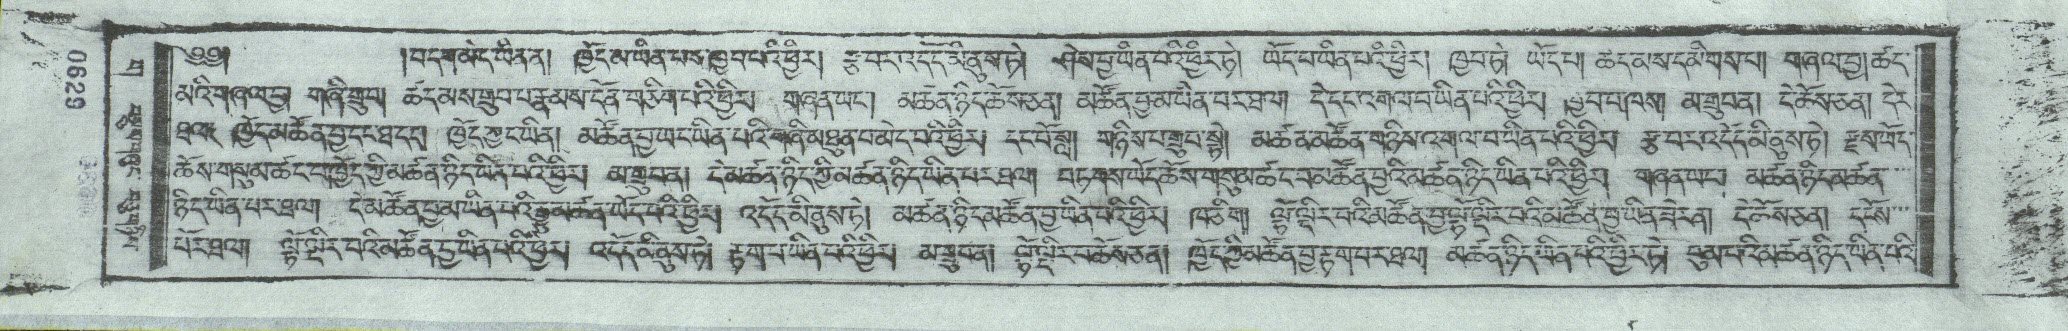༄༅། །བདག་མེད་ཡིན་ན། ཁྱོད་མ་ཡིན་པས་ཁྱབ་པའི་ཕྱིར། རྩ་བར་འདོད་མི་ནུས་ཏེ། ཤེས་བྱ་ཡིན་པའི་ཕྱིར་ཏེ། ཡོད་པ་ཡིན་པའི་ཕྱིར། ཁྱབ་ཏེ། ཡོད་པ། ཚད་མས་དམིགས་པ། གཞལ་བྱ། ཚད་
མའི་གཞལ་བྱ། གཞི་གྲུབ། ཚད་མས་གྲུབ་པ་རྣམས་དོན་གཅིག་པའི་ཕྱིར། གཞན་ཡང་། མཚན་ཉིད་ཆོས་ཅན། མཚོན་བྱ་མ་ཡིན་པར་ཐལ། དེ་དང་འགལ་བ་ཡིན་པའི་ཕྱིར། ཁྱབ་པ་ཁས། མ་གྲུབ་ན། དེ་ཆོས་ཅན། དེར་
ཐལ༑ ཁྱོད་མཚོན་བྱ་དང་ཐ་དད། ཁྱོད་ཀྱང་ཡིན། མཚོན་བྱ་ཡང་ཡིན་པའི་གཞི་མཐུན་པ་མེད་པའི་ཕྱིར། དང་པོ་སླ། གཉིས་པ་གྲུབ་སྟེ། མཚན་མཚོན་གཉིས་འགལ་བ་ཡིན་པའི་ཕྱིར། རྩ་བར་འདོད་མི་ནུས་ཏེ། རྫས་ཡོད་
ཆོས་གསུམ་ཚང་བ་ཁྱོད་ཀྱི་མཚན་ཉིད་ཡིན་པའི་ཕྱིར། མ་གྲུབ་ན། དེ་མཚན་ཉིད་ཀྱི་མཚན་ཉིད་ཡིན་པར་ཐལ། བཏགས་ཡོད་ཆོས་གསུམ་ཚང་བ་མཚོན་བྱའི་མཚན་ཉིད་ཡིན་པའི་ཕྱིར། གཞན་ཡང་། མཚན་ཉིད་མཚན་
ཉིད་ཡིན་པར་ཐལ། དེ་མཚོན་བྱ་མ་ཡིན་པའི་རྒྱུ་མཚན་ཡོད་པའི་ཕྱིར། འདོད་མི་ནུས་ཏེ། མཚན་ཉིད་མཚོན་བྱ་ཡིན་པའི་ཕྱིར། ཁ་ཅིག། ལྟོ་ལྡིར་བའི་མཚོན་བྱ་ལྟོ་ལྡིར་བའི་མཚོན་བྱ་ཡིན་ཟེར་ན། དེ་ཆོས་ཅན། དངོས་
པོར་ཐལ། ལྟོ་ལྡིར་བའི་མཚོན་བྱ་ཡིན་པའི་ཕྱིར། འདོད་མི་ནུས་ཏེ། རྟག་པ་ཡིན་པའི་ཕྱིར། མ་གྲུབ་ན། ལྟོ་ལྡིར་བ་ཆོས་ཅན། ཁྱོད་ཀྱི་མཚོན་བྱ་རྟག་པར་ཐལ། མཚན་ཉིད་ཡིན་པའི་ཕྱིར་ཏེ། བུམ་པའི་མཚན་ཉིད་ཡིན་པའི་